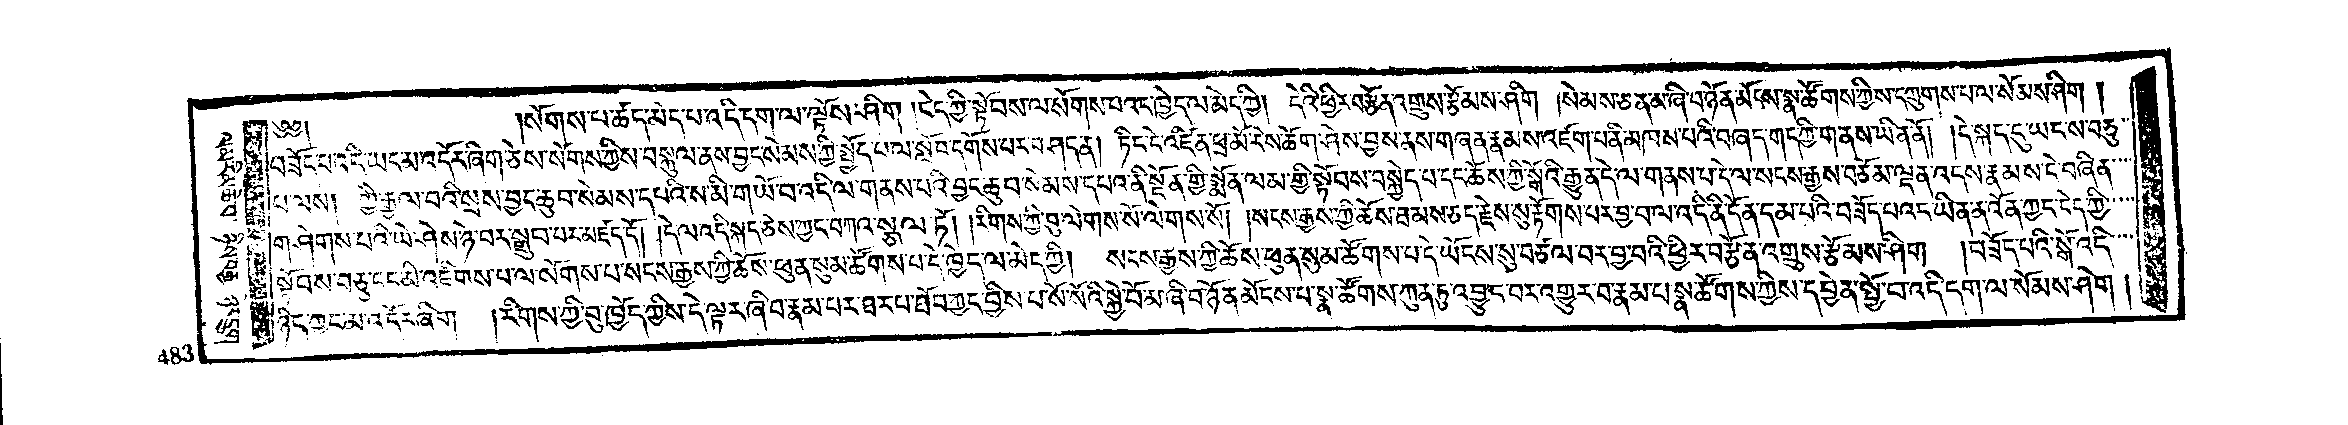༄༅། །སོགས་པ་ཚད་མེད་པ་འདི་དག་ལ་ལྟོས་ཤིག །ངེད་ཀྱི་སྟོབས་ལ་སོགས་པའང་ཁྱེད་ལ་མེད་ཀྱི། དེའི་ཕྱིར་བརྩོན་འགྲུས་རྩོམས་ཤིག །སེམས་ཅན་མ་ཞི་བ་ཉོན་མོངས་སྣ་ཚོགས་ཀྱིས་དཀྲུགས་པ་ལ་སོམས་ཤིག །
བཟོད་པ་འདི་ཡང་མ་འདོར་ཞིག་ཅེས་སོགས་ཀྱིས་བསྐུལ་ནས་བྱང་སེམས་ཀྱི་སྤྱོད་པ་ལ་སློབ་དགོས་པར་བཤད་ན། ཏིང་ངེ་འཛིན་ཕྲ་མོ་རེས་ཆོག་ཤེས་བྱས་ནས་གཞན་རྣམས་འཇོག་པ་ནི་མཁས་པའི་བཞད་གད་ཀྱི་གནས་ཡིན་ནོ། །དེ་སྐད་དུ་ཡང་ས་བཅུ་
པ་ལས། ཀྱཻ་རྒྱལ་བའི་སྲས་བྱང་ཆུབ་སེམས་དཔའི་ས་མི་གཡོ་བ་འདི་ལ་གནས་པའི་བྱང་ཆུབ་སེམས་དཔའ་ནི་སྔོན་གྱི་སྨོན་ལམ་གྱི་སྟོབས་བསྐྱེད་པ་དང་ཆོས་ཀྱི་སྒོའི་རྒྱུན་དེ་ལ་གནས་པ་དེ་ལ་སངས་རྒྱས་བཅོམ་ལྡན་འདས་རྣམས་དེ་བཞིན་
གཤེགས་པའི་ཡེ་ཤེས་ཉེ་བར་སྒྲུབ་པར་མཛད་དོ། །དེ་ལ་འདི་སྐད་ཅེས་ཀྱང་བཀའ་སྩལ་ཏོ། །རིགས་ཀྱི་བུ་ལེགས་སོ་ལེགས་སོ། །སངས་རྒྱས་ཀྱི་ཆོས་ཐམས་ཅད་རྗེས་སུ་རྟོགས་པར་བྱ་བ་ལ་འདི་ནི་དོན་དམ་པའི་བཟོད་པའང་ཡིན་ན་འོན་ཀྱང་ངེད་ཀྱི་
སྟོབས་བཅུ་དང་མི་འཇིགས་པ་ལ་སོགས་པ་སངས་རྒྱས་ཀྱི་ཆོས་ཕུན་སུམ་ཚོགས་པ་དེ་ཁྱེད་ལ་མེད་ཀྱི། སངས་རྒྱས་ཀྱི་ཆོས་ཕུན་སུམ་ཚོགས་པ་དེ་ཡོངས་སུ་བཙལ་བར་བྱ་བའི་ཕྱིར་བརྩོན་འགྲུས་རྩོམས་ཤིག །བཟོད་པའི་སྒོ་འདི་
ཉིད་ཀྱང་མ་འདོར་ཞིག །རིགས་ཀྱི་བུ་ཁྱོད་ཀྱིས་དེ་ལྟར་ཞི་བ་རྣམ་པར་ཐར་པ་ཐོབ་ཀྱང་བྱིས་པ་སོ་སོའི་སྐྱེ་བོ་མ་ཞི་བ་ཉོན་མོངས་པ་སྣ་ཚོགས་ཀུན་ཏུ་འབྱུང་བར་འགྱུར་བ་རྣམ་པ་སྣ་ཚོགས་ཀྱིས་དབྱེ་ན་སྤྱོ་བ་འདི་དག་ལ་སོམས་ཤིག །